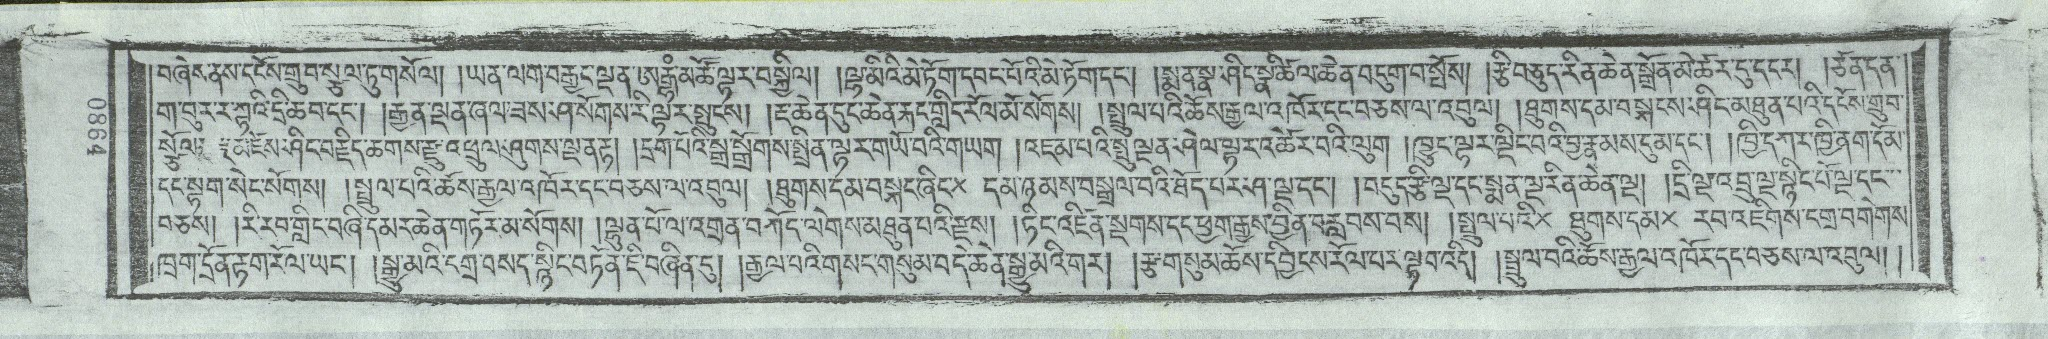བཞེས་ནས་དངོས་གྲུབ་སྩལ་ཏུ་གསོལ། །ཡན་ལག་བརྒྱང་ལྡན་ཨརྒྷཾ་མཚོ་ལྟར་བསྐྱིལ། །ལྷ་མིའི་མེ་ཏོག་དབང་པོའི་མེ་ཏོག་དང་། །སྨན་སྣ་ཤིང་སྣ་ཚིལ་ཆེན་བདུག་བ་སྤོས། །རྩི་བཅུད་རིན་ཆེན་སྒྲོན་མེ་ཚར་དུ་དང་ར། །ཙན་དན་
ག་བུར་ར་ཀྟའི་དྲི་ཆབ་དང་། །རྒྱན་ལྡན་ཞལ་ཟས་ཤ་སོགས་རི་ལྟར་སྤུངས། །རྔ་ཆེན་དུང་ཆེན་རྐང་གླིང་རོལ་མོ་སོགས། །སྤྲུལ་བའི་ཆོས་རྒྱལ་འཁོར་དང་བཅས་ལ་འབུལ། །ཐུགས་དམ་བསྐངས་ཤིང་མཐུན་པའི་དངོས་གྲུབ་
སྩོལ༑ ༑མཛེས་ཤིང་བརྗིད་ཆགས་རྫུ་འཕྲུལ་ཤུགས་ལྡན་རྟ། །དྲག་པོའི་སྒྲ་སྒྲོགས་སྤྲིན་ལྟར་གཡོ་བའི་གཡག །འཇམ་པའི་སྤུ་ལྡན་ཤེལ་ལྟར་འཚེར་བའི་ལུག །ཁྱུང་ལྟར་ལྡིང་བའི་བྱ་རྣམས་དུ་མ་དང་། །ཁྱི་དཀར་ཁྱི་ན་ག་དོམ་
དང་སྟག་སེང་སོགས། །སྤྲུལ་པའི་ཆོས་རྒྱལ་འཁོར་དང་བཅས་ལ་འབུལ། །ཐུགས་དམ་བསྐང་ཞིང་྾་དམ་ཉམས་བསྒྲལ་བའི་ཐོད་པར་ཤ་ལྔ་དང་། །བདུད་རྩི་ལྔ་དང་སྨན་ལྔ་རིན་ཆེན་ལྔ། །དྲི་ལྔ་འབྲུ་ལྔ་སྙིང་པོ་ལྔ་དང་
བཅས། །རི་རབ་གླིང་བཞི་དམར་ཆེན་གཏོར་མ་སོགས། །ལྷུན་པོ་ལ་འགྲན་བཀོད་ལེགས་མཐུན་པའི་རྫས། །ཏིང་འཛིན་སྔགས་དང་ཕྱག་རྒྱས་བྱིན་བརླབས་བས། །སྤྲུལ་པའི་྾་ཐུགས་དམ་྾་རབ་འཇིགས་དགྲ་བགེགས་
ཁྲག་དྲོན་རྟག་རོལ་ཡང་། །སྒྱུ་མའི་དགྲ་བསད་སྙིང་བཏོན་ཇི་བཞིན་དུ། །རྒྱལ་བའི་གསང་གསུམ་བདེ་ཆེན་སྒྱུ་མའི་གར། །རྩ་གསུམ་ཆོས་དབྱིངས་རོལ་པར་ལྟ་བ་འདི། །སྦྲུལ་བའི་ཆོས་རྒྱལ་འཁོར་དང་བཅས་ལ་འབུལ།། །